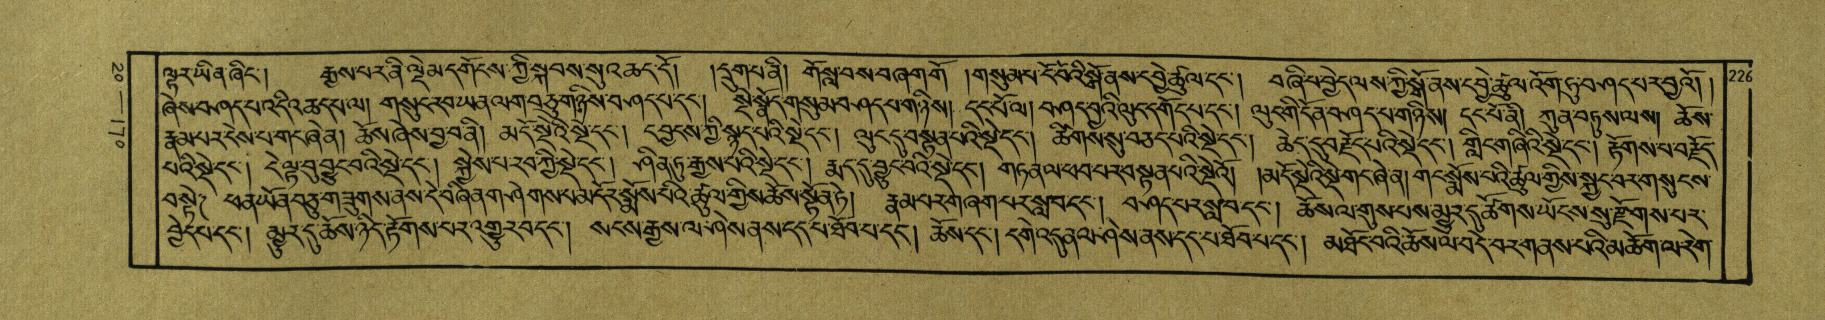ལྟར་ཡིན་ཞིང་། རྒྱས་པར་ནི་ལྡེམ་དགོངས་ཀྱི་སྐབས་སུ་འཆད་དོ། །དྲུག་པ་ནི། གོ་སླ་བས་བཞག་གོ །གསུམ་པ་ངོ་བོའི་སྒོ་ནས་དབྱེ་ཚུལ་དང་། བཞི་པ་བྱེད་ལས་ཀྱི་སྒོ་ནས་དབྱེ་ཚུལ་འོག་ཏུ་བཤད་པར་བྱའོ།།
ཞེས་བཤད་པ་འདི་འཆད་པ་ལ། གསུང་རབ་ཡན་ལག་བཅུ་གཉིས་བཤད་པ་དང་། སྡེ་སྣོད་གསུམ་བཤད་པ་གཉིས། དང་པོ་ལ། བཤད་བྱའི་ལུང་དགོད་པ་དང་། ལུང་གི་དོན་བཤད་པ་གཉིས། དང་པོ་ནི། ཀུན་བཏུས་ལས། ཆོས་
རྣམ་པར་ངེས་པ་གང་ཞེ་ན། ཆོས་ཞེས་བྱ་བ་ནི། མདོ་སྡེའི་སྡེ་དང་། དབྱངས་ཀྱི་སྙད་པའི་སྡེ་དང་། ལུང་དུ་བསྟན་པའི་སྡེ་དང་། ཚིགས་སུ་བཅད་པའི་སྡེ་དང་། ཆེད་དུ་བརྗོད་པའི་སྡེ་དང་། གླིང་གཞིའི་སྡེ་དང་། རྟོགས་པ་བརྗོད་
པའི་སྡེ་དང་། དེ་ལྟ་བུ་བྱུང་བའི་སྡེ་དང་། སྐྱེས་པ་རབ་ཀྱི་སྡེ་དང་། ཤིན་ཏུ་རྒྱས་པའི་སྡེ་དང་། རྨད་དུ་བྱུང་བའི་སྡེ་དང་། གཏན་ལ་ཕབ་པར་བསྟན་པའི་སྡེའོ། །མདོ་སྡེའི་སྡེ་གང་ཞེ་ན། གང་སྨོས་པའི་ཚུལ་གྱིས་སྐྱང་བར་གསུངས་
བ་སྟེ༑ ཕན་ཡོན་བཅུ་གཟུགས་ནས་དེ་བཞིན་གཤེགས་པ་མདོར་སྨོས་པའི་ཚུལ་གྱིས་ཆོས་སྟོན་ཏེ། རྣམ་པར་གཞག་པར་སླ་བ་དང་། བཤད་པར་སླ་བ་དང་། ཆོས་ལ་གུས་པས་མྱུར་དུ་ཚོགས་ཡོངས་སུ་རྫོགས་པར་
བྱེད་པ་དང་། མྱུར་དུ་ཆོས་ཉིད་རྟོགས་པར་འགྱུར་བ་དང་། སངས་རྒྱས་ལ་ཤེས་ནས་དད་པ་ཐོབ་པ་དང་། ཆོས་དང་། དགེ་འདུན་ལ་ཤེས་ནས་དང་པ་ཐོབ་པ་དང་། མཐོང་པའི་ཆོས་ལ་བདེ་བར་གནས་པའི་མཆོག་ལ་རེག་